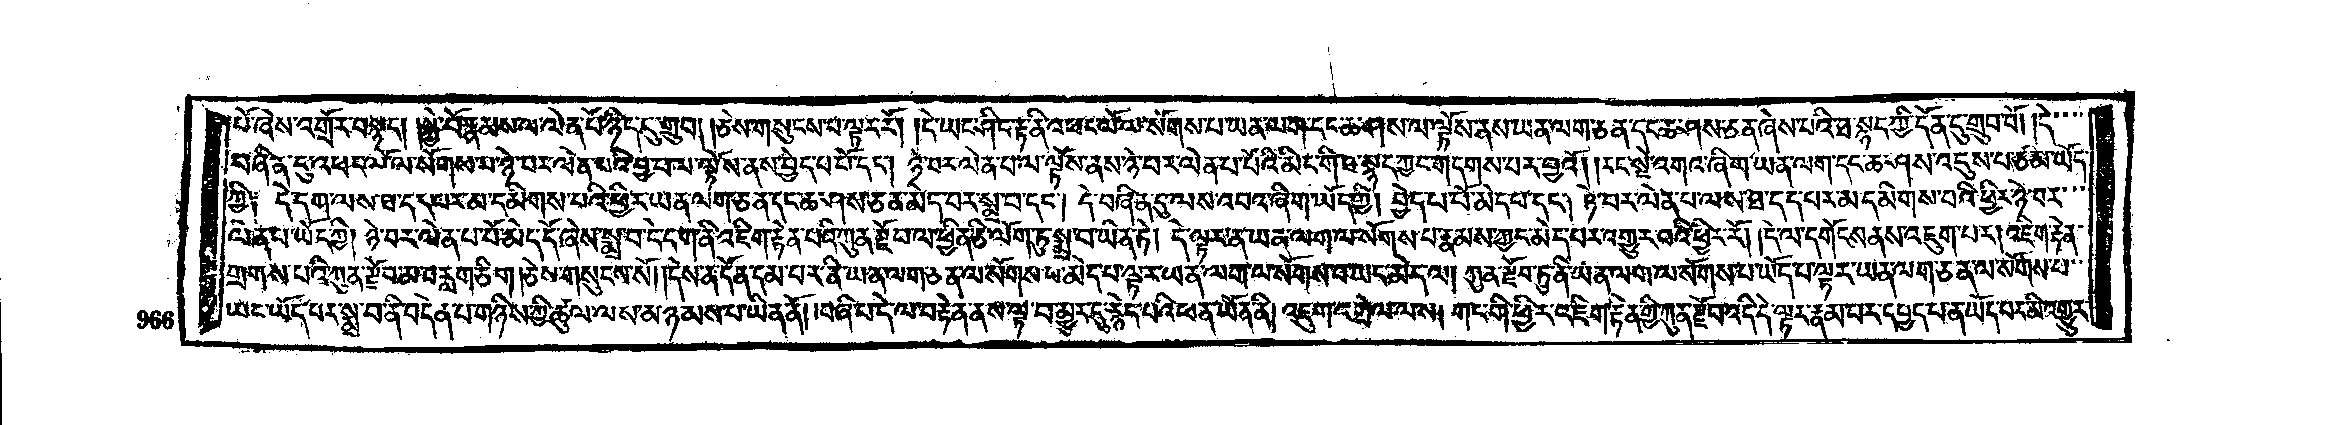པོ་ཞེས་འགྲོར་བསྙད། །སྐྱེ་བོ་རྣམས་ལ་ལེན་པོ་ཉིད་དུ་གྲུབ། །ཅེས་གསུངས་པ་ལྟར་རོ། །དེ་ཡང་ཤིང་རྟ་ནི་འཕང་ལོ་ལ་སོགས་པ་ཡན་ལག་དང་ཆ་ཤས་ལ་ལྟོས་ནས་ཡན་ལག་ཅན་དང་ཆ་ཤས་ཅན་ཞེས་པའི་ཐ་སྙད་ཀྱི་དོན་དུ་གྲུབ་བོ། །དེ་
བཞིན་དུ་འཕང་ལོ་ལ་སོགས་པ་ཉེ་བར་ལེན་པའི་བྱ་བ་ལ་ལྟོས་ནས་བྱེད་པ་པོ་དང་། ཉེ་བར་ལེན་པ་ལ་ལྟོས་ནས་ཉེ་བར་ལེན་པ་པོའི་མིང་གི་ཐ་སྙད་ཀྱང་གདགས་པར་བྱའོ། །རང་སྡེ་འགའ་ཞིག་ཡན་ལག་དང་ཆ་ཤས་འདུས་པ་ཙམ་ཡོད་
ཀྱི༑ དེ་དག་ལས་ཐ་དད་པར་མ་དམིགས་པའི་ཕྱིར་ཡན་ལག་ཅན་དང་ཆ་ཤས་ཅན་མེད་པར་སྨྲ་བ་དང་། དེ་བཞིན་དུ་ལས་འབའ་ཞིག་ཡོད་ཀྱི། བྱེད་པ་པོ་མེད་པ་དང་། ཉེ་བར་ལེན་པ་ལས་ཐ་དད་པར་མ་དམིགས་པའི་ཕྱིར་ཉེ་བར་
ལེན་པ་ཡོད་ཀྱི། ཉེ་བར་ལེན་པ་པོ་མེད་དོ་ཞེས་སྨྲ་བ་དེ་དག་ནི་འཇིག་རྟེན་པའི་ཀུན་རྫོབ་ལ་ཕྱིན་ཅི་ལོག་ཏུ་སྨྲ་བ་ཡིན་ཏེ། དེ་ལྟར་ན་ཡན་ལག་ལ་སོགས་པ་རྣམས་ཀྱང་མེད་པར་འགྱུར་བའི་ཕྱིར་རོ། །དེ་ལ་དགོངས་ནས་འཇུག་པར། འཇིག་རྟེན་
གྲགས་པའི་ཀུན་རྫོབ་མ་བརླག་ཅིག །ཅེས་གསུངས་སོ། །དེས་ན་དོན་དམ་པར་ནི་ཡན་ལག་ཅན་ལ་སོགས་པ་མེད་པ་ལྟར་ཡན་ལག་ལ་སོགས་པ་ཡང་མེད་ལ། ཀུན་རྫོབ་ཏུ་ནི་ཡན་ལག་ལ་སོགས་པ་ཡོད་པ་ལྟར་ཡན་ལག་ཅན་ལ་སོགས་པ་
ཡང་ཡོད་པར་སྨྲ་བ་ནི་བདེན་པ་གཉིས་ཀྱི་ཚུལ་ལས་མ་ཉམས་པ་ཡིན་ནོ། །བཞི་པ་དེ་ལ་བརྟེན་ནས་ལྟ་བ་མྱུར་དུ་རྙེད་པའི་ཕན་ཡོན་ནི། འཇུག་འགྲེལ་ལས། གང་གི་ཕྱིར་འཇིག་རྟེན་གྱི་ཀུན་རྫོབ་འདི་དེ་ལྟར་རྣམ་པར་དཔྱད་པ་ན་ཡོད་པར་མི་འགྱུར་